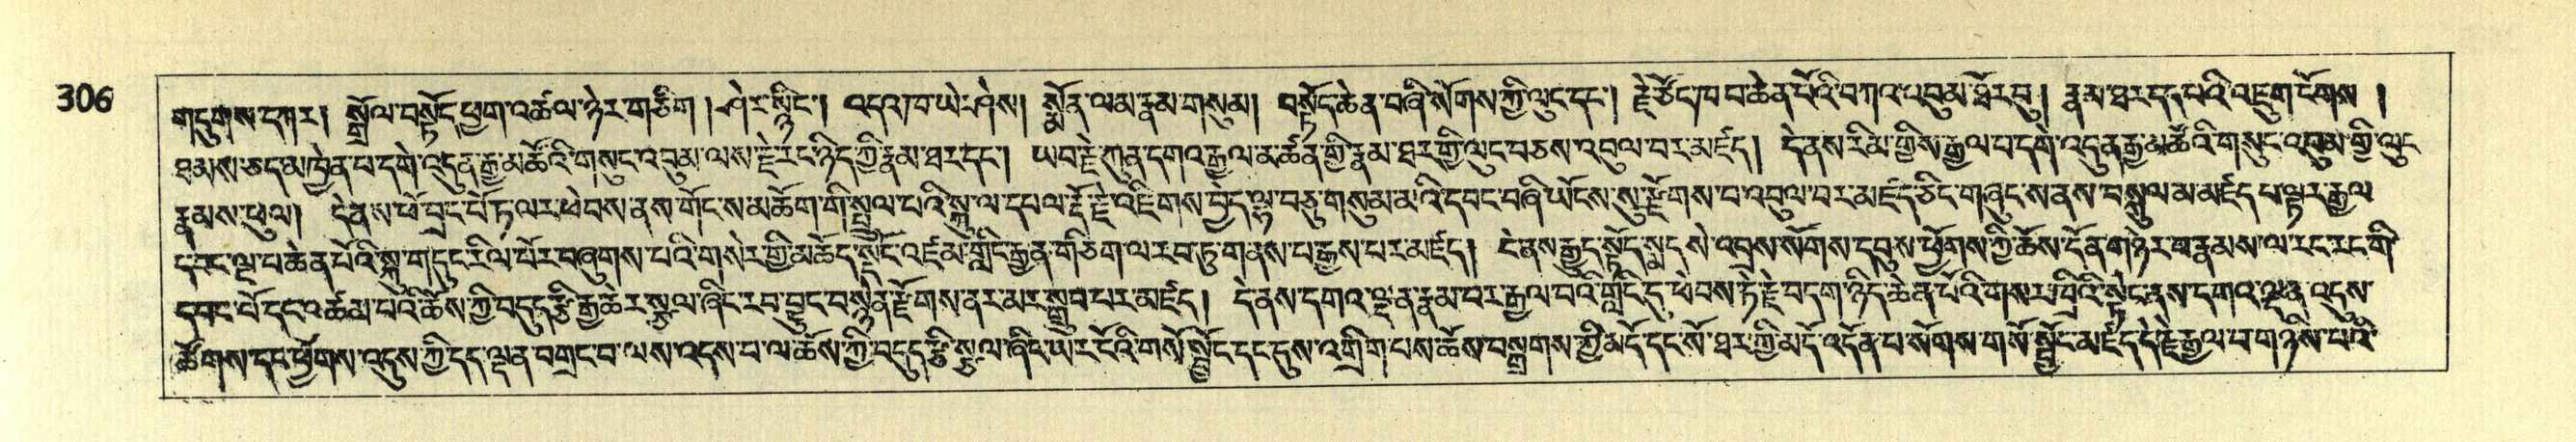གདུགས་དཀར། སྒྲོལ་བསྟོད་ཕྱག་འཚལ་ཉེར་གཅིག །ཤེར་སྙིང་། འདའ་ཁ་ཡེ་ཤེས། སྨོན་ལམ་རྣམ་གསུམ། བསྟོད་ཆེན་བཞི་སོགས་ཀྱི་ལུང་དང་། རྗེ་ཙོང་ཁ་པ་ཆེན་པོའི་བཀའ་འབུམ་ཐོར་བུ། རྣམ་ཐར་དད་པའི་འཇུག་ངོགས་།
ཐམས་ཅད་མཁྱེན་པ་དགེ་འདུན་རྒྱ་མཚོའི་གསུང་འབུམ་ལས་རྗེ་རང་ཉིད་ཀྱི་རྣམ་ཐར་དང་། ཡབ་རྗེ་ཀུན་དགའ་རྒྱལ་མཚན་གྱི་རྣམ་ཐར་གྱི་ལུང་བཅས་འབུལ་བར་མཛད། དེ་ནས་རིམ་གྱིས་རྒྱལ་བ་དགེ་འདུན་རྒྱ་མཚོའི་གསུང་འབུམ་གྱི་ལུང་
རྣམས་ཕུལ། དེ་ནས་ཕོ་བྲང་པོ་ཏ་ལར་ཕེབས་ནས་གོང་ས་མཆོག་གི་སྤྲུལ་པའི་སྐུ་ལ་དཔལ་རྡོ་རྗེ་འཇིགས་བྱེད་ལྷ་བཅུ་གསུམ་མའི་དབང་བཞི་ཡོངས་སུ་རྫོགས་པ་འབུལ་བར་མཛད་ཅིང་གཞུང་ས་ནས་བསྐུལ་མ་མཛད་པ་ལྟར་རྒྱལ་
དབང་ལྔ་པ་ཆེན་པོའི་སྐུ་གདུང་རིལ་པོར་བཞུགས་པའི་གསེར་གྱི་མཆོད་སྡོང་འཛམ་གླིང་རྒྱན་གཅིག་ལ་རབ་ཏུ་གནས་པ་རྒྱས་པར་མཛད། དེ་ནས་རྒྱུད་སྟོད་སྨད་སེ་འབྲས་སོགས་དབུས་ཕྱོགས་ཀྱི་ཆོས་དོན་གཉེར་བ་རྣམས་ལ་རང་རང་གི་
དབང་པོ་དང་འཚམ་པའི་ཆོས་ཀྱི་བདུད་རྩི་རྒྱ་ཆེར་སྩལ་ཞིང་རབ་བྱུང་བསྙེན་རྫོགས་ནར་མར་སྒྲུབ་པར་མཛད། དེ་ནས་དགའ་ལྡན་རྣམ་བར་རྒྱལ་བའི་གླིང་དུ་ཕེབས་ཏེ་རྗེ་བདག་ཉིད་ཆེན་པོའི་གསར་ཁྲིའི་སྟེང་ནས་དགའ་ལྡན་འདུས་
ཚོགས་དང་ཕྱོགས་འདུས་ཀྱི་དད་ལྡན་བགྲང་བ་ལས་འདས་པ་ལ་ཆོས་ཀྱི་བདུད་རྩི་སྩལ་ཞིང་ཡར་ངོའི་གསོ་སྦྱོང་དང་དུས་འགྲིག་པས་ཆོས་བསྒྲགས་ཀྱི་མདོ་དང་སོ་ཐར་གྱི་མདོ་འདོན་པ་སོགས་གསོ་སྦྱོང་མཛད་དེ་རྗེ་རྒྱལ་བ་གཉིས་པའི་